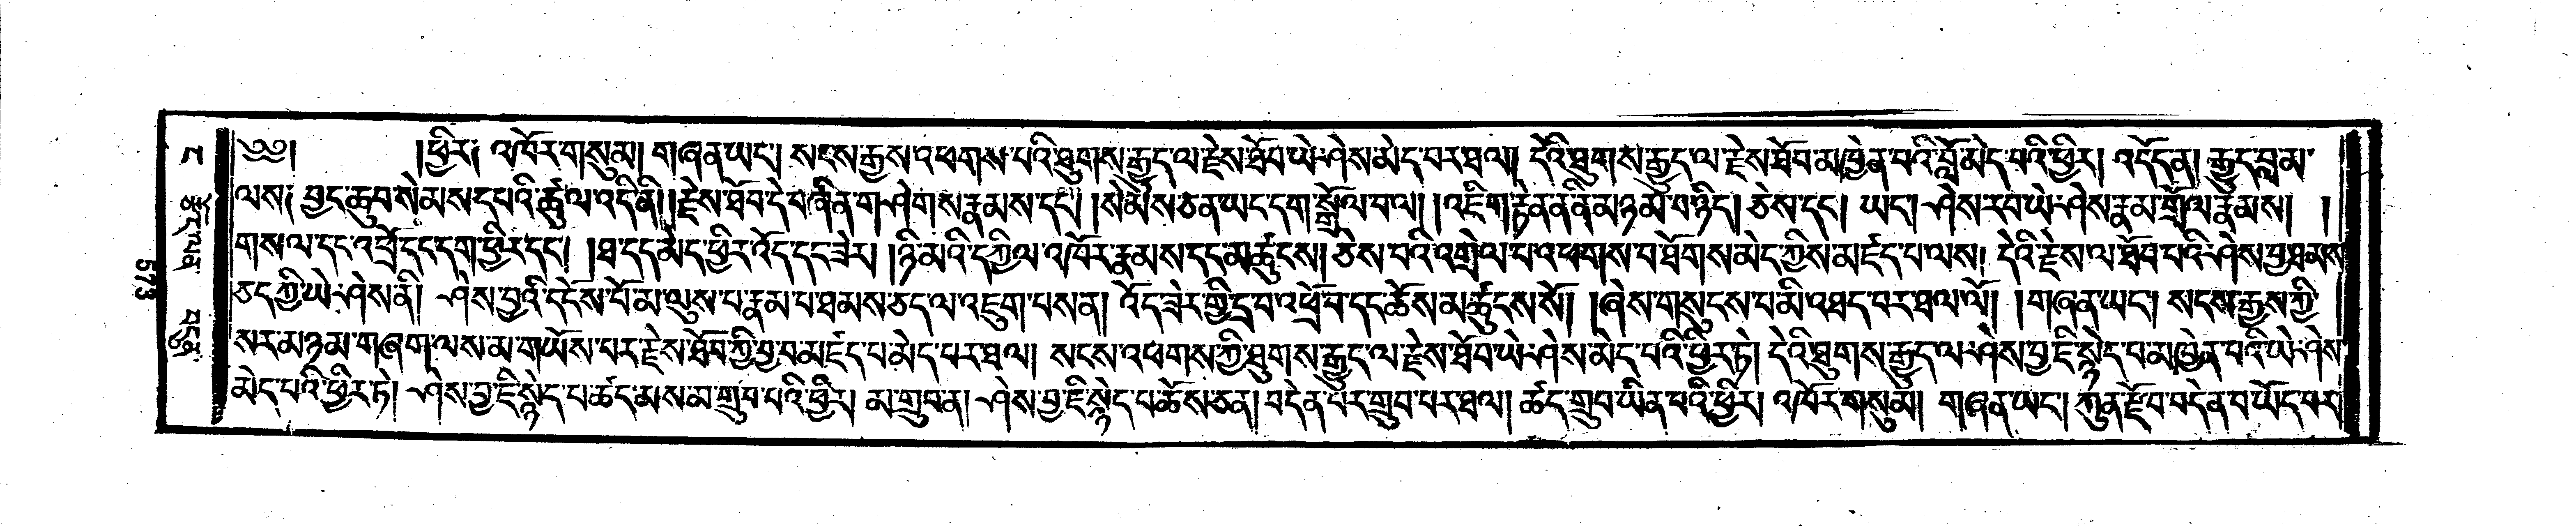༄༅། །ཕྱིར༑ འཁོར་གསུམ། གཞན་ཡང་། སངས་རྒྱས་འཕགས་པའི་ཐུགས་རྒྱུད་ལ་རྗེས་ཐོབ་ཡེ་ཤེས་མེད་པར་ཐལ། དེའི་ཐུགས་རྒྱུད་ལ་རྗེས་ཐོབ་མཁྱེན་པའི་བློ་མེད་པའི་ཕྱིར། འདོད་ན། རྒྱུད་བླ་མ་
ལས༑ བྱང་ཆུབ་སེམས་དཔའི་ཚུལ་འདི་ནི། །རྗེས་ཐོབ་དེ་བཞིན་གཤེགས་རྣམས་དང་། །སེམས་ཅན་ཡང་དག་སྒྲོལ་བ་ལ། །འཇིག་རྟེན་ན་ནི་མཉམ་པ་ཉིད། ཅེས་དང་། ཡང་། ཤེས་རབ་ཡེ་ཤེས་རྣམ་གྲོལ་རྣམས། །
གསལ་དང་འཕྲོ་དང་དག་ཕྱིར་དང་། །ཐ་དད་མེད་ཕྱིར་འོད་དང་ཟེར། །ཉི་མའི་དཀྱིལ་འཁོར་རྣམས་དང་མཚུངས། ཅེས་པའི་འགྲེལ་པ་འཕགས་པ་ཐོགས་མེད་ཀྱིས་མཛད་པ་ལས། དེའི་རྗེས་ལ་ཐོབ་པའི་ཤེས་བྱ་ཐམས་
ཅད་ཀྱི་ཡེ་ཤེས་ནི། ཤེས་བྱའི་དངོས་པོ་མ་ལུས་པ་རྣམ་པ་ཐམས་ཅད་ལ་འཇུག་པས་ན། འོད་ཟེར་གྱི་དྲ་བ་འཕྲོ་བ་དང་ཆོས་མཚུངས་སོ། །ཞེས་གསུངས་པ་མི་འཐད་པར་ཐལ་ལོ། །གཞན་ཡང་། སངས་རྒྱས་ཀྱི་
སར་མཉམ་གཞག་ལས་མ་གཡོས་པར་རྗེས་ཐོབ་ཀྱི་བྱ་བ་མཛད་པ་མེད་པར་ཐལ། སངས་འཕགས་ཀྱི་ཐུགས་རྒྱུད་ལ་རྗེས་ཐོབ་ཡེ་ཤེས་མེད་པའི་ཕྱིར་ཏེ། དེའི་ཐུགས་རྒྱུད་ལ་ཤེས་བྱ་ཇི་སྙེད་པ་མཁྱེན་པའི་ཡེ་ཤེས་
མེད་པའི་ཕྱིར་ཏེ། ཤེས་བྱ་ཇི་སྙེད་པ་ཚད་མས་མ་གྲུབ་པའི་ཕྱིར། མ་གྲུབ་ན། ཤེས་བྱ་ཇི་སྙེད་པ་ཆོས་ཅན། བདེན་པར་གྲུབ་པར་ཐལ། ཚད་གྲུབ་ཡིན་པའི་ཕྱིར། འཁོར་གསུམ། གཞན་ཡང་། ཀུན་རྫོབ་བདེན་པ་ཡོད་པར་